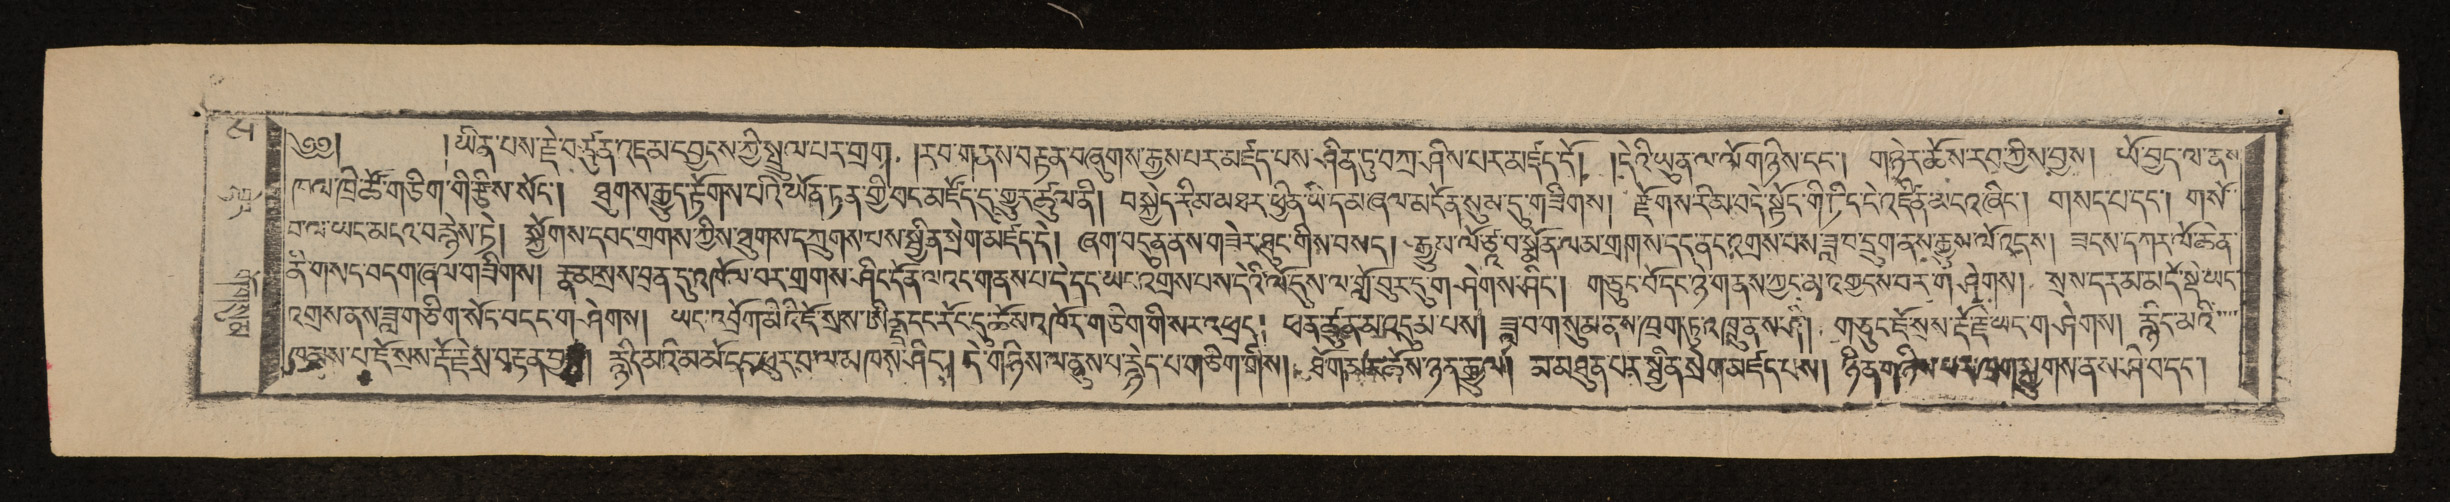༄༅། །ཡིན་པས་རྗེ་བཙུན་འཇམ་དབྱངས་ཀྱི་སྤྲུལ་བར་གྲག །རབ་གནས་བརྟན་བཞུགས་རྒྱས་པར་མཛད་པས་ཤིན་ཏུ་བཀྲ་ཤིས་པར་མཛད་དོ། །དེའི་ཡུན་ལ་ལོ་གཉིས་དང་། གཉེར་ཆོས་རབ་ཀྱིས་བྱས། ཡོ་བྱད་ལ་ནས་
ཁལ་ཁྲི་ཚོ་གཅིག་གི་རྩིས་སོང་། ཐུགས་རྒྱུད་རྟོགས་པའི་ཡོན་ཏན་གྱི་བང་མཛོད་དུ་གྱུར་ཚུལ་ནི། བསྐྱེད་རིམ་མཐར་ཕྱིན་ཡི་དམ་ཞལ་མངོན་སུམ་དུ་གཟིགས། རྫོགས་རིམ་བདེ་སྟོང་གི་ཏིང་ངེ་འཛིན་མངའ་ཞིང་། གསང་བ་དང་། གསོ་
བ་ལ་ཡང་མངའ་བརྙེས་ཏེ། སྐྱོགས་དབང་གྲགས་ཀྱིས་ཐུགས་དཀྲུགས་པས་སྦྱིན་སྲེག་མཛད་དེ། ཞག་བདུན་ནས་གཟེར་ཐུང་གིས་བསད། རྒྱུས་ལོ་ཙཱ་བ་སྨོན་ལམ་གྲགས་དང་ནང་འགྲས་པས་ཟླ་བ་དྲུག་ནས་རྒྱུས་ལོ་འདས། ཟངས་དཀར་ལོ་ཆེན་
ནི་གསང་བདག་ཞལ་གཟིགས། རྣམ་སྲས་བྲན་དུ་འཁོས་བར་གྲགས་ཤིང་དོན་ལའང་གནས་པ་དེ་དང་ཡང་འགྲས་པས་དེའི་ལོ་དུས་ལ་གློ་བུར་དུ་གཤེགས་ཤིང་། གཅུང་པོ་དང་ཉེ་གནས་ཀྱང་མ་འགྱངས་པར་གཤེགས། སྲས་དར་མ་མདོ་སྡེ་ཡང་
འགྲས་ནས་ཟླ་གཅིག་སོང་བ་དང་གཤེགས། ཡང་འབྲོག་མིའི་ཇོ་སྲས་ཨིནྡྲ་དང་རོང་དུ་ཆོས་འཁོར་གཅིག་གི་སར་འཕྲད། ཕན་ཚུན་མ་འདུམ་པས། ཟླ་བ་གསུམ་ནས་ཁྲག་ཏུ་འཁྲུ་ནས་ཤི། གཅུང་ཇོ་སྲས་རྡོ་རྗེ་ཡང་གཤེགས། རྙིང་མའི་
ཁམས་པ་ཇོ་སྲས་རྡོ་རྗེ་སྲ་བརྟན་བྱ་བ། རྙིང་མའི་མ་མོ་དང་ཕུར་བ་ལ་མཁས་ཤིང་། དེ་གཉིས་ལ་ནུས་པ་རྙེད་པ་གཅིག་གིས། ཐོག་མར་ཆོས་ཉན་རྒྱུ་ལ། མ་མཐུན་པར་སྦྱིན་སྲེག་མཛད་པས། ཉིན་གཉིས་པར་ཁྲག་སྐྱུགས་ནས་ཤི་བ་དང་།